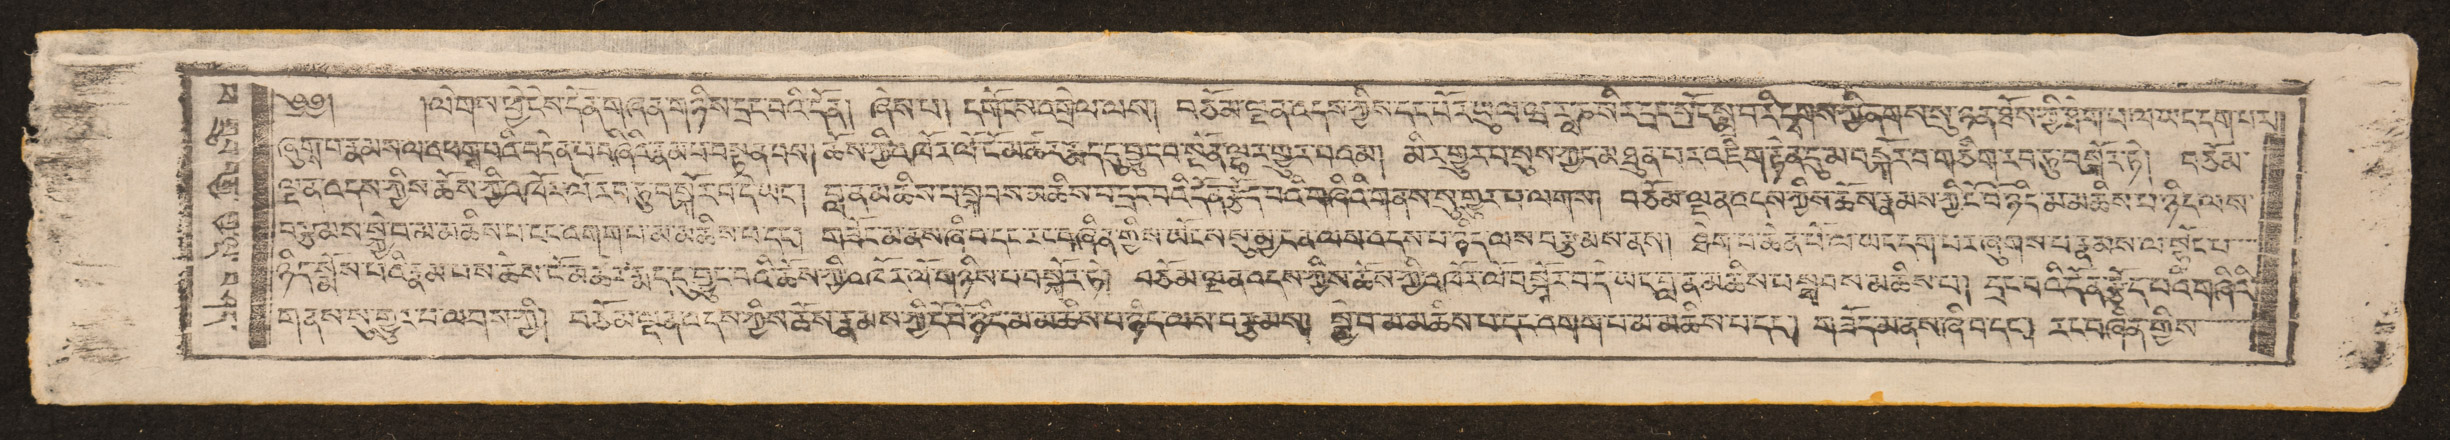༄༅། །ལེགས་ཕྱི་ངེས་དོན་གཞན་གཉིས་དྲང་བའི་དོན། ཞེས་པ། དགོངས་འགྲེལ་ལས། བཅོམ་ལྡན་འདས་ཀྱིས་དང་པོར་ཡུལ་ཝ་རཱ་ཎ་སིར་དྲང་སྲོང་སྨྲ་བ་རི་དྭགས་ཀྱི་ནགས་སུ་ཉན་ཐོས་ཀྱི་ཐེག་པ་ལ་ཡང་དག་པར་
ཞུགས་པ་རྣམས་ལ་འཕགས་པའི་བདེན་པ་བཞིའི་རྣམ་པ་བསྟན་པས། ཆོས་ཀྱི་འཁོར་ལོ་ངོ་མཚར་རྨད་དུ་བྱུང་བ་སྔོན་ལྷར་གྱུར་པའམ། མིར་གྱུར་པ་སུས་ཀྱང་མཐུན་པར་འཇིག་རྟེན་དུ་མ་བསྐོར་བ་གཅིག་རབ་ཏུ་བསྐོར་ཏེ། བཅོམ་
ལྡན་འདས་ཀྱིས་ཆོས་ཀྱི་འཁོར་ལོ་རབ་ཏུ་བསྐོར་བ་དེ་ཡང་། བླ་ན་མཆིས་པ་སྐབས་མཆིས་པ་དྲང་བའི་དོན་རྩོད་པའི་གཞིའི་གནས་སུ་གྱུར་པ་ལགས། བཅོམ་ལྡན་འདས་ཀྱིས་ཆོས་རྣམས་ཀྱི་ངོ་བོ་ཉིད་མ་མཆིས་པ་ཉིད་ལས་
བརྩམས་སྐྱེ་བ་མ་མཆིས་པ་དང་འགག་པ་མ་མཆིས་པ་དང་། གཟོང་མ་ནས་ཞི་བ་དང་རང་བཞིན་གྱིས་ཡོངས་སུ་མྱ་ངན་ལས་འདས་པ་ཉིད་ལས་བརྩམས་ནས། ཐེག་པ་ཆེན་པོ་ལ་ཡང་དག་པར་ཞུགས་པ་རྣམས་ལ་སྟོང་པ་
ཉིད་སྨོས་པའི་རྣམ་པས་ཆེས་ངོ་མཚར་རྨད་དུ་བྱུང་བའི་ཆོས་ཀྱི་འཁོར་ལོ་གཉིས་པ་བསྐོར་ཏེ། བཅོམ་ལྡན་འདས་ཀྱིས་ཆོས་ཀྱི་འཁོར་ལོ་བསྐོར་བདེ་ཡང་བླ་ན་མཆིས་པ་སྐབས་མཆིས་པ། དྲང་བའི་དོན་རྩོད་པའི་གཞིའི་
གནས་སུ་གྱུར་པ་ལགས་ཀྱི། བཅོམ་ལྡན་འདས་ཀྱིས་ཆོས་རྣམས་ཀྱི་ངོ་བོ་ཉིད་མ་མཆིས་པ་ཉིད་ལས་བརྩམས། སྐྱེ་བ་མ་མཆིས་པ་དང་འགག་པ་མ་མཆིས་པ་དང་། གཟོད་མ་ནས་ཞི་བ་དང་། རང་བཞིན་གྱིས་